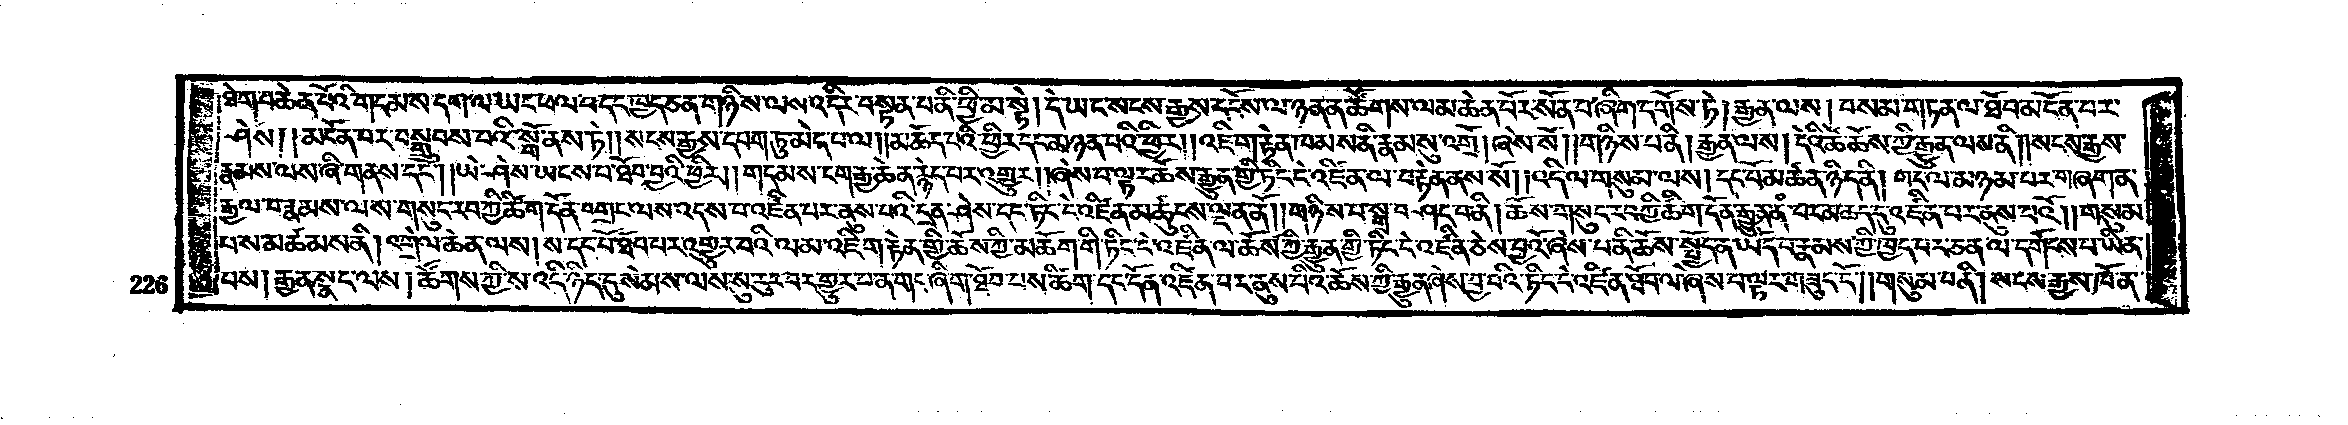ཐེག་པ་ཆེན་པོའི་གདམས་ངག་ལ་ཡང་ཕལ་པ་དང་ཁྱད་ཅན་གཉིས་ལས་འདིར་བསྟན་པ་ནི་ཕྱི་མ་སྟེ། དེ་ཡང་སངས་རྒྱས་དངོས་ལ་ཉན་ན་ཚོགས་ལམ་ཆེན་པོར་སོན་པ་ཞིག་དགོས་ཏེ། རྒྱན་ལས། བསམ་གཏན་ལ་ཐོབ་མངོན་པར་
ཤེས། །མངོན་པར་བསྒྲུབས་པའི་སྒོ་ནས་ཏེ། །སངས་རྒྱས་དཔག་ཏུ་མེད་པ་ལ། །མཆོད་པའི་ཕྱིར་དང་མཉན་པའི་ཕྱིར། །འཇིག་རྟེན་ཁམས་ནི་རྣམས་སུ་འགྲོ། ཞེས་སོ། །གཉིས་པ་ནི། རྒྱན་ལས། དེའི་ཚེ་ཆོས་ཀྱི་རྒྱུན་ལས་ནི། །སངས་རྒྱས་
རྣམས་ལས་ཞི་གནས་དང་། །ཡེ་ཤེས་ཡངས་པ་ཐོབ་བྱའི་ཕྱིར། །གདམས་ངག་རྒྱ་ཆེན་རྙེད་པར་འགྱུར། །ཞེས་པ་ལྟར་ཆོས་རྒྱུན་གྱི་ཏིང་ངེ་འཛིན་ལ་བརྟེན་ནས་སོ། །འདི་ལ་གསུམ་ལས། དང་པོ་མཚན་ཉིད་ནི། གང་ལ་མཉམ་པར་གཞག་ན་
རྒྱལ་བ་རྣམས་ལས་གསུང་རབ་ཀྱི་ཚིག་དོན་བགྲང་ལས་འདས་པ་འཛིན་པར་ནུས་པའི་དྲན་ཤེས་དང་ཏིང་ངེ་འཛིན་མཚུངས་ལྡན་ནོ། །གཉིས་པ་སྒྲ་བཤད་པ་ནི། ཆོས་གསུང་རབ་ཀྱི་ཚིག་དོན་རྒྱུན་ནཾ་བར་མ་ཆད་དུ་འཛིན་པར་ནུས་པའོ། །གསུམ་
པ་ས་མཚམས་ནི། འགྲེལ་ཆེན་ལས། ས་དང་པོ་ཐོབ་པར་འགྱུར་བའི་ལམ་འཇིག་རྟེན་གྱི་ཆོས་ཀྱི་མཆོག་གི་ཏིང་ངེ་འཛིན་ལ་ཆོས་ཀྱི་རྒྱུན་གྱི་ཏིང་ངེ་འཛིན་ལ་ཅོས་བྱའོ་ཞེས་པ་ནི་ཆོས་སྤྱོད་ན་ཡོད་པ་རྣམས་ཀྱི་ཁྱད་པར་ཅན་ལ་དགོངས་པ་ཡིན་
པས། རྒྱན་སྣང་ལས། ཚོགས་ཀྱི་ས་འདི་ཉིད་དུ་སེམས་ལས་སུ་རུང་བར་གྱུར་པ་ན་གང་ཞིག་ཐོབ་པས་ཚིག་དང་དོན་འཛིན་པར་ནུས་པའི་ཆོས་ཀྱི་རྒྱུན་ཞེས་བྱ་བའི་ཏིང་ངེ་འཛིན་ཐོབ་ལ་ཞེས་པ་ལྟར་གཟུང་ངོ། །གསུམ་པ་ནི། སངས་རྒྱས་ཁོ་ན་